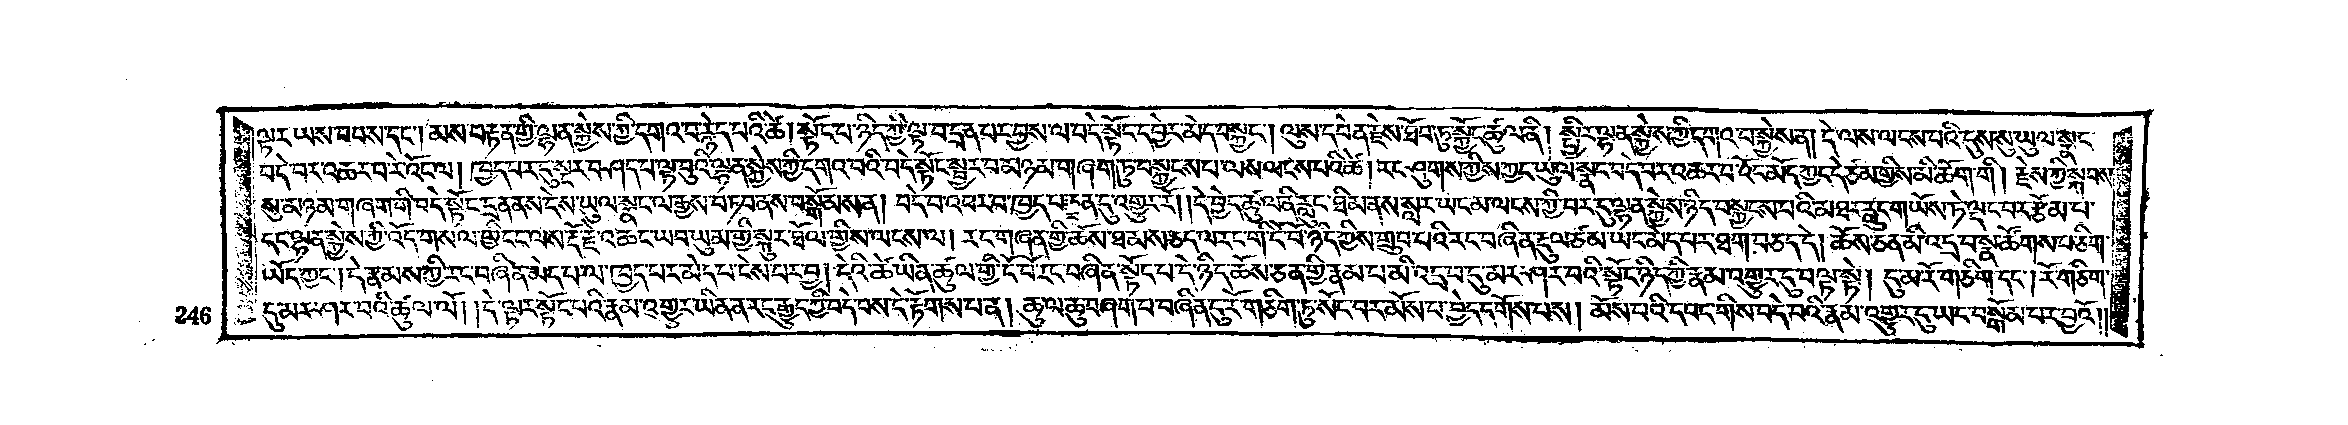ལྟར་ཡས་བབས་དང་། མས་བརྟན་གྱི་ལྷན་སྐྱེས་ཀྱི་དགའ་བ་རྙེད་པའི་ཚེ། སྟོང་པ་ཉིད་ཀྱི་ལྟ་བ་དྲན་པར་བྱས་ལ་བདེ་སྟོང་དབྱེར་མེད་བསྐྱང་། ལུས་དབེན་རྗེས་ཐོབ་ཏུ་སྐྱོང་ཚུལ་ནི། སྤྱིར་ལྷན་སྐྱེས་ཀྱི་དགའ་བ་སྐྱེས་ན། དེ་ལས་ལངས་པའི་དུས་སུ་ཡུལ་སྣང་
བདེ་བར་འཆར་བ་རེ་འོང་ལ། ཁྱད་པར་དུ་སྔར་བཤད་པ་ལྟ་བུའི་ལྷན་སྐྱེས་ཀྱི་དགའ་བའི་བདེ་སྟོང་སྦྱར་བ་མཉམ་གཞག་ཏུ་བསྐྱངས་པ་ལས་ལངས་པའི་ཚེ། རང་ཤུགས་ཀྱིས་ཀྱང་ཡུལ་སྣང་བདེ་བར་འཆར་བ་འོང་མོད་ཀྱང་དེ་ཙམ་གྱིས་མི་ཆོག་གི། རྗེས་ཀྱི་སྐབས་
སུ་མཉམ་གཞག་གི་བདེ་སྟོང་དྲན་ནས་དེས་ཡུལ་སྣང་ལ་རྒྱས་བཏབ་ནས་བསྒོམས་ན། བདེ་བ་འབར་བ་ཁྱད་པར་ཅན་དུ་འགྱུར་རོ། །དེ་བྱེད་ཚུལ་ནི་རླུང་ཐིམ་ནས་སླར་ཡང་མ་ལངས་ཀྱི་བར་དུ་ལྷན་སྐྱེས་ཉིད་བསྐྱངས་པའི་མཐར་རླུང་གཡོས་ཏེ་ལྡང་བར་རྩོམ་པ་
དང་ལྷན་སྐྱེས་ཀྱི་འོད་གསལ་གྱི་ངང་ལས་རྡོ་རྗེ་འཆང་ཡབ་ཡུམ་གྱི་སྐུར་ཐོལ་གྱིས་ལངས་ལ། རང་གཞན་གྱི་ཆོས་ཐམས་ཅད་ལ་རང་གི་ངོ་བོ་ཉིད་ཀྱིས་གྲུབ་པའི་རང་བཞིན་རྡུལ་ཙམ་ཡང་མེད་པར་ཐག་བཅད་དེ། ཆོས་ཅན་མི་འདྲ་བ་སྣ་ཚོགས་པ་ཅིག་
ཡོད་ཀྱང་། དེ་རྣམས་ཀྱི་རང་བཞིན་མེད་པ་ལ་ཁྱད་པར་མེད་པ་ངེས་པར་བྱ། དེའི་ཚེ་ཡིན་ཚུལ་གྱི་ངོ་བོ་རང་བཞིན་སྟོང་པ་དེ་ཉིད་ཆོས་ཅན་གྱི་རྣམ་པ་མི་འདྲ་བ་དུ་མར་ཤར་བའི་སྟོང་ཉིད་ཀྱི་རྣམ་འགྱུར་དུ་བལྟ་སྟེ། དུ་མ་རོ་གཅིག་དང་། རོ་གཅིག་
དུ་མར་ཤར་བའི་ཚུལ་ལོ། །དེ་ལྟར་སྟོང་པའི་རྣམ་འགྱུར་ཡིན་ན་རང་རྒྱུད་ཀྱི་བདེ་བས་དེ་རྟོགས་པ་ན། ཆུ་ལ་ཆུ་བཞག་པ་བཞིན་དུ་རོ་གཅིག་ཏུ་སོང་བར་མོས་པ་བྱེད་དགོས་པས། མོས་པའི་དབང་གིས་བདེ་བའི་རྣམ་འགྱུར་དུ་ཡང་བསྒོམ་པར་བྱའོ། །